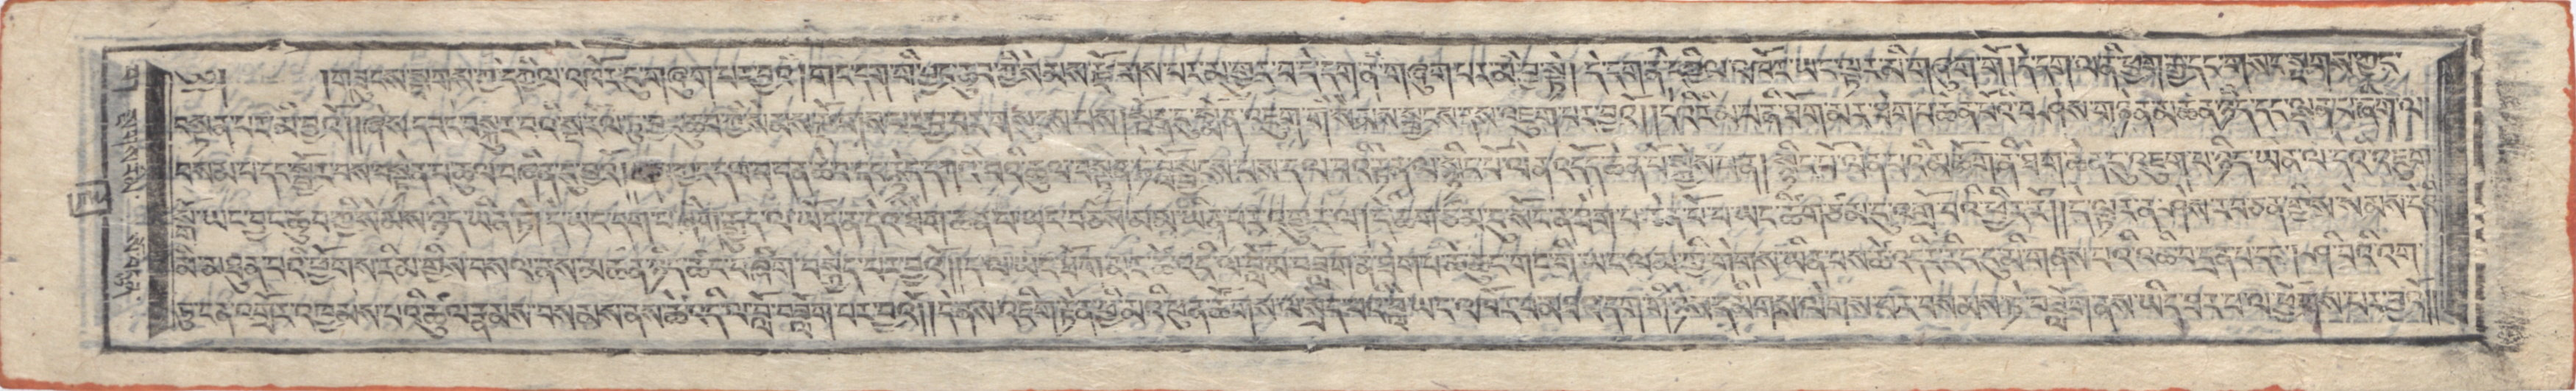༄༅། །གཟུངས་སྔགས་ཀྱི་དཀྱིལ་འཁོར་དུ་གཞུག་པར་བྱའོ། གང་དག་གི་བྱང་ཆུབ་ཀྱི་སེམས་རྫོགས་པར་མ་གྱུར་བ་དེ་དག་ནི་གཞུག་པར་མི་བྱ་སྟེ། དེ་དག་ནི་དཀྱིལ་འཁོར་ཡང་ལྟར་མི་གཞུག་གོ །དེ་དག་ལ་ནི་ཕྱག་རྒྱ་དང་གསང་སྔགས་ཀྱང་
བསྟན་པར་མི་བྱའོ། །ཞེས་དབང་བསྐུར་བའི་སྔ་རོལ་ཏུ་བྱང་ཆུབ་ཀྱི་སེམས་རྫོགས་པར་བྱ་བར་གསུངས་པས། སྔོན་དུ་སྨོན་འཇུག་གི་སེམས་སྦྱངས་ནས་འཇུག་པར་བྱའོ། །དེའི་རིམ་པ་ནི་ཐོག་མར་ཐེག་པ་ཆེན་པོའི་བཤེས་གཉེན་མཚན་ཉིད་དང་ལྡན་པ་ཞིག་ལ་
བསམ་པ་དང་སྦྱོར་བས་བསྟེན་པ་ཚུལ་བཞིན་དུ་བྱའོ། །དེས་ཀྱང་དལ་བ་དན་ཆེ་བ་དང་རྙེད་དཀའི་བའི་ཚུལ་བསྟན་ཏེ་བློ་སྦྱངས་པས་དལ་བའི་རྟེན་ལ་སྙིང་པོ་ལེན་འདོད་ཆེན་པོ་སྐྱེས་པ་ན། སྙིང་པོ་ལེན་པའི་མཆོག་ནི་ཐེག་ཆེན་དུ་འཇུག་པ་ཉིད་ཡིན་ལ་དེའི་འཇུག་
སྒོ་ཡང་བྱང་ཆུབ་ཀྱི་སེམས་ཉིད་ཡིན་ཏེ། དེ་ཡང་དག་པ་ཞིག་རྒྱུད་ལ་ཡོད་ན་དེའི་ཐེག་ཆེན་པ་ཡང་བཅོས་མ་མ་ཡིན་པར་འགྱུར་ལ། དེ་ཚིག་ཙམ་དུ་སོང་ན་ཐེག་པ་ཆེན་པོ་བ་ཡང་ཚིག་ཙམ་དུ་འགྲོ་བའི་ཕྱིར་རོ། །དེ་ལྟར་ན་ཤེས་རབ་ཅན་གྱིས་སེམས་དེའི་
མི་མཐུན་པའི་ཕྱོགས་རིམ་གྱིས་བསལ་ནས་མཚན་ཉིད་ཚང་བ་ཞིག་བསྐྱེད་པར་བྱའོ། །དེ་ལ་ཡང་ཐོག་མར་ཚེ་འདི་ལ་བློ་མ་བཟློག་ན་ཐེག་པ་ཆེ་ཆུང་གང་གི་ཡང་ལམ་གྱི་གེགས་ཡིན་པས་ཚེ་འདིར་རིང་དུ་མི་གནས་པའི་འཆི་བ་དྲན་པ་དང་། ཤི་བའི་འོག་
ཏུ་ངན་འགྲོར་འཁྱམས་པའི་ཚུལ་རྣམས་བསམས་ནས་ཚེ་འདི་ལ་བློ་བཟློག་པར་བྱའོ། །དེ་ནས་འཇིག་རྟེན་ཕྱི་མའི་ཕུན་ཚོགས་ལ་སྲེད་པའི་བློ་ཡང་འཁོར་བ་མཐའ་དག་གི་ཉེས་དམིགས་ལེགས་པར་བསམས་ཏེ་བཟློག་ནས་ཡིད་ཐར་པ་ལ་ཕྱོགས་པར་བྱའོ།།